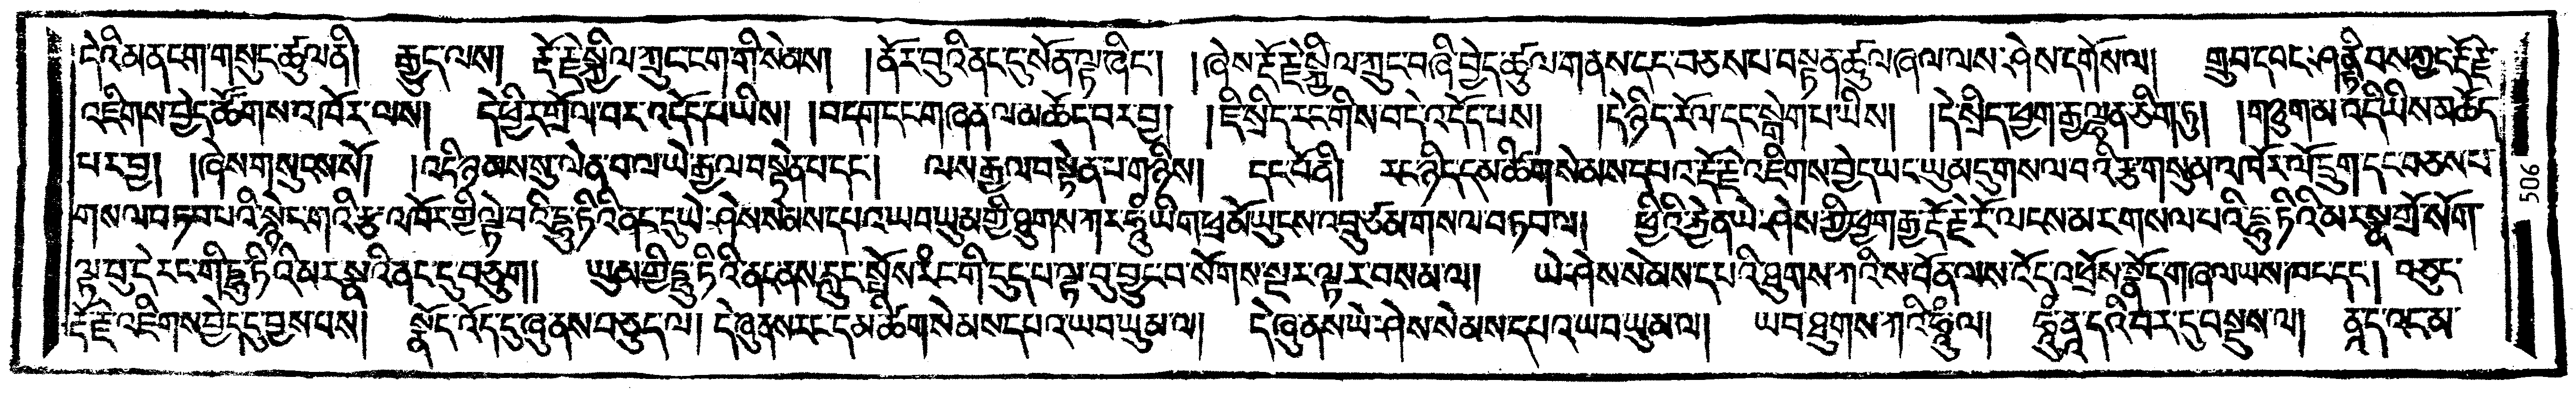དེའི་མན་ངག་གསུང་ཚུལ་ནི། རྒྱུད་ལས། རྡོ་རྗེ་སྐྱིལ་ཀྲུང་ངག་གི་སེམས། །ནོར་བུའི་ནང་དུ་སོན་ལྟ་ཞིང་། །ཞེས་རྡོ་རྗེ་སྐྱིལ་ཀྲུང་བཞི་བྱེད་ཚུལ་གནས་དང་བཅས་པ་བསྟན་ཚུལ་ཞལ་ལས་ཤེས་དགོས་ལ། གྲུབ་དབང་ཤནྟི་བས་ཀྱང་རྡོ་རྗེ་
འཇིགས་བྱེད་ཚོགས་འཁོར་ལས། དེ་ཕྱིར་གྲོལ་བར་འདོད་པ་ཡིས། །བདག་དང་གཞན་ལ་མཆོད་བར་བྱ། །ཇི་སྲིད་རང་གིས་བདེ་འདོད་པས། །དེ་ཉིད་རོལ་དང་སྒེག་པ་ཡིས། །དེ་སྲིད་ཕྱག་རྒྱ་ལྷན་ཅིག་ཏུ། །གཉུག་མ་འདི་ཡིས་མཆོད་
པར་བྱ། །ཞེས་གསུངས་སོ། །འདི་ཉམས་སུ་ལེན་བ་ལ་ཡེ་རྒྱ་ལ་བསྟེན་པ་དང་། ལས་རྒྱལ་བསྟེན་པ་གཉིས། དང་པོ་ནི། རང་ཉིད་དམ་ཚིག་སེམས་དཔའ་རྡོ་རྗེ་འཇིགས་བྱེད་ཡང་ཡུམ་དུ་གསལ་བའི་རྩ་གསུམ་འཁོར་ལོ་དྲུག་དང་བཅས་པ་
གསལ་བཏབ་པའི་སྙིང་གའི་རྩ་འཁོར་གྱི་ལྟེ་བའི་དྷུ་ཏིའི་ནང་དུ་ཡེ་ཤེས་སེམས་དཔའ་ཡབ་ཡུམ་གྱི་ཐུགས་ཀར་ཧཱུཾ་ཡིག་ཕྲ་མོ་ཡུངས་འབྲུ་ཙམ་གསལ་བཏབ་ལ། ཕྱིའི་རྐྱེན་ཡེ་ཤེས་ཀྱི་ཕྱག་རྒྱ་རྡོ་རྗེ་རོ་ལངས་མར་གསལ་པའི་དྷུ་ཏིའི་མར་སྣ་གྲོ་སོག་
ལྟ་བུ་དེ་རང་གི་དྷུ་ཏིའི་མར་སྣའི་ནང་དུ་བཅུག། ཡུམ་གྱི་དྷུ་ཏིའི་ནང་ནས་རླུང་སྤོས་རང་གི་དུད་པ་ལྟ་བུ་བྱུང་བ་སོགས་སྔར་ལྟར་བསམ་ལ། ཡེ་ཤེས་སེམས་དཔའི་ཐུགས་ཀའི་ས་བོན་ལས་འོད་འཕྲོས་སྣོད་གཞལ་ཡས་ཁང་དང་། བཅུད་
རྡོ་རྗེ་འཇིགས་བྱེད་དུ་བྱས་པས། སྣོད་འོད་དུ་ཞུ་ནས་བཅུད་ལ། དེ་ཞུ་ནས་རང་དམ་ཚིག་སེམས་དཔའ་ཡབ་ཡུམ་ལ། དེ་ཞུ་ནས་ཡེ་ཤེས་སེམས་དཔའ་ཡབ་ཡུམ་ལ། ཡབ་ཐུགས་ཀའི་ཧཱུཾ་ལ། ཧཱུཾ་ནཱ་དའི་བར་དུ་བསྡུས་ལ། ནཱ་ད་འང་མ་